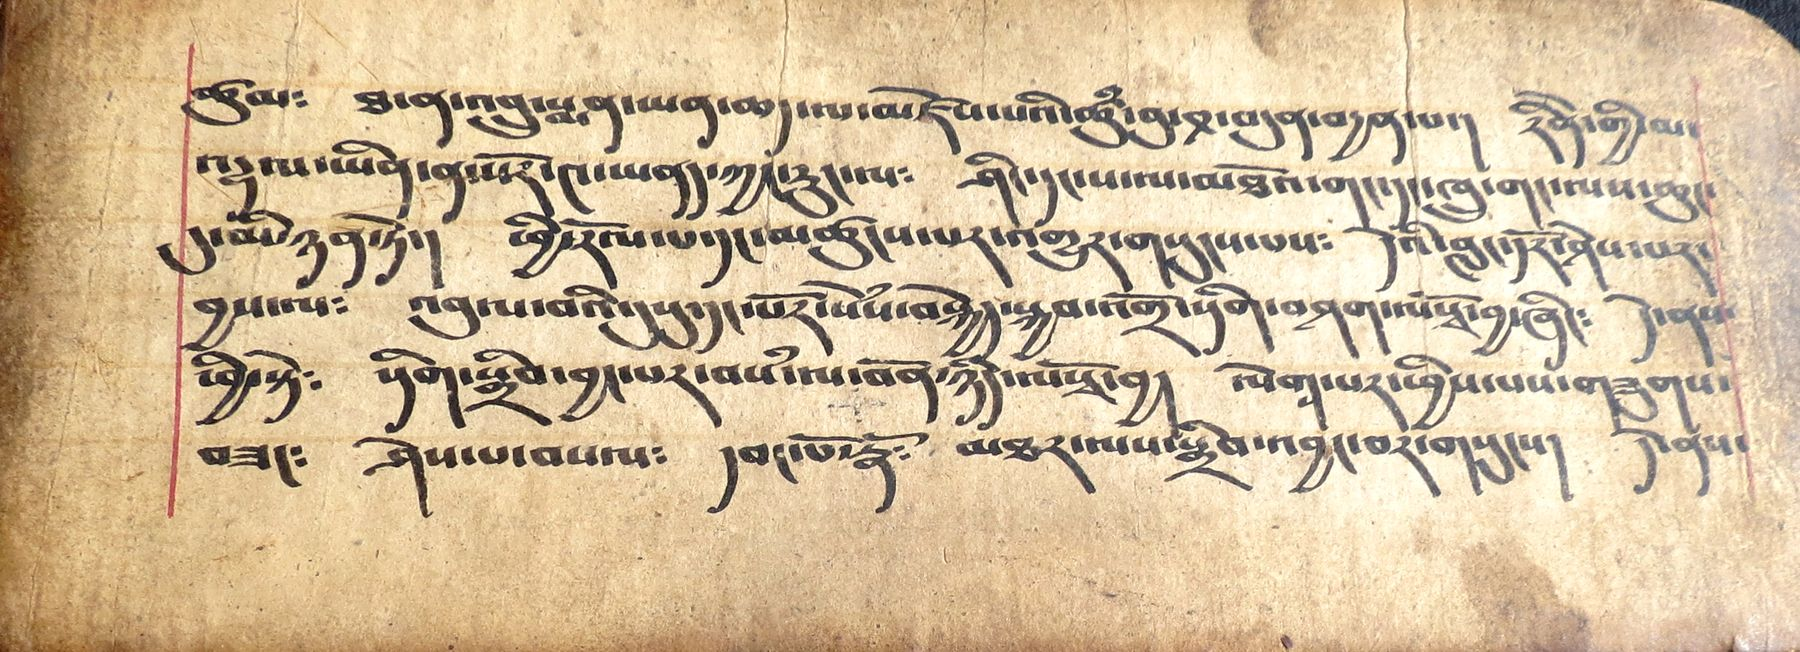ཚོམས། ཐ་མ་འབྲུ་སྨན་ཚུན་ཆད་ལ་མཛེས་པའི་ཚོམ་བུ་བཅུ་བདུན་བྱ། རིན་ཆེན་གྱི་མ་
མཎྜལ་ཡིན་ན་སོར་བཞི་ཡན་ཆད་ཀྱང་རུང་ལ། ཤིང་དང་ས་ལ་མཐོ་གང་དང་ཁྲུ་གང་ལས་ཆུང་
དུ་མི་ཉན་ཏེ་ཕྱི་རོལ་པ་དང་མཚུངས་པར་འགྱུར་གསུངས་པས། དེའི་བླང་དོར་ཤེས་པར་
བྱས་ལ། འབུལ་བའི་དུས་སུ། དང་པོར་སེམས་བསྐྱེད་སྐྱབས་འགྲོ་སྡིག་བཤགས་ལ་སོགས་བྱ་ཞིང་། དེ་ནས་
ཕྱིས་སྟེ། སྡིག་སྒྲིབ་བྱང་བར་བསམ་ལ། བོན་ཉིད་ལ་སོགས་བྱ། ལེགས་པར་ཕྱིས་པས་གཟུགས་
བཟང་ཤེས་པ་གསལ་དབང་པོ་རྣོ། མཐར་ལས་སྒྲིབ་བྱང་བར་གསུངས། དེ་ནས་